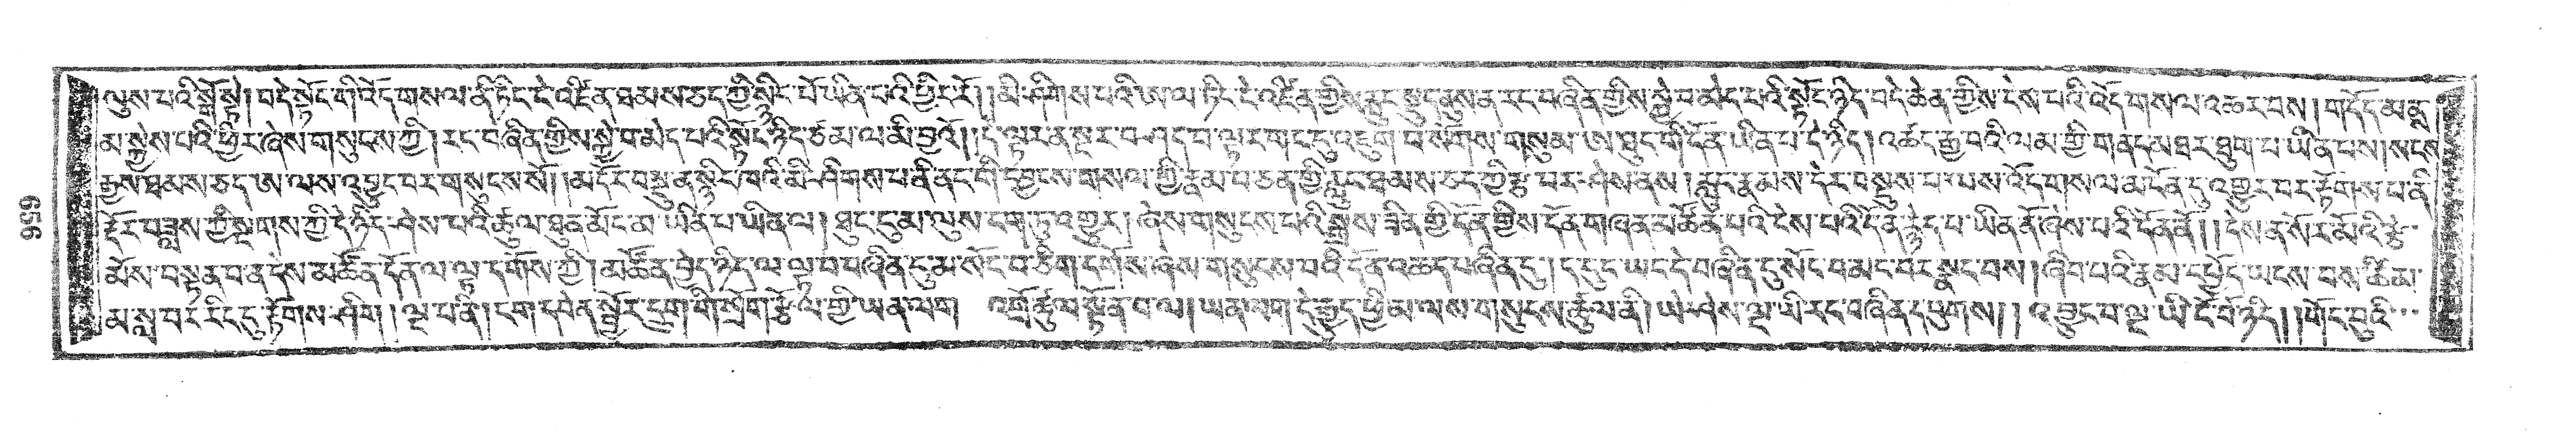ལུས་པའི་སྒོ་སྟེ། བདེ་སྟོང་གི་འོད་གསལ་ནི་ཏིང་ངེ་འཛིན་ཐམས་ཅད་ཀྱི་སྙིང་པོ་ཡིན་པའི་ཕྱིར་རོ། །མི་ཤིགས་པའི་ཨ་ལ་ཏིང་ངེ་འཛིན་གྱིས་རླུང་སྡུད་ནུས་ན་རང་བཞིན་གྱིས་སྐྱེ་བ་མེད་པའི་སྟོང་ཉིད་བདེ་ཆེན་གྱིས་ངེས་པའི་འོད་གསལ་འཆར་བས། གདོད་མ་ནས་
མ་སྐྱེས་པའི་ཕྱིར་ཞེས་གསུངས་ཀྱི། རང་བཞིན་གྱིས་སྐྱེ་བ་མེད་པའི་སྟོང་ཉིད་ཙམ་ལ་མི་བྱའོ། །དེ་ལྟར་ན་སྔར་བཤད་པ་ལྟར་གང་དུ་འཇུག་པ་སོགས་གསུམ་ཨ་ཐུང་གི་དོན་ཡིན་པ་དེ་ཉིད། འཚང་རྒྱ་བའི་ལམ་གྱི་གནད་མཐར་ཐུག་པ་ཡིན་པས། སངས་
རྒྱས་ཐམས་ཅད་ཨ་ལས་འབྱུང་བར་གསུངས་སོ། །མདོར་བསྡུ་ན་སྙིང་ཁའི་མི་ཤིགས་པ་ནི་ནང་གི་དབྱངས་གསལ་གྱི་རྣམ་པ་ཅན་གྱི་རླུང་ཐམས་ཅད་ཀྱི་རྩ་བར་ཤེས་ནས། རླུང་རྣམས་དེར་བསྡུས་པ་ལས་འོད་གསལ་མངོན་དུ་འགྱུར་བར་རྟོགས་པ་ནི་
རྡོར་བཟླས་ཀྱི་སྔགས་ཀྱི་དེ་ཉིད་ཤེས་པའི་ཚུལ་ཐུན་མོང་མ་ཡིན་པ་ཡིན་ལ། ཐུང་དུ་མ་ལུས་ངག་ཏུ་འགྱུར། ཞེས་གསུངས་པའི་སྒྲས་ཟིན་གྱི་དོན་གྱིས་དོན་གཞན་མཚོན་པའི་ངེས་པའི་དོན་རྙེད་པ་ཡིན་ནོ་ཞེས་པའི་དོན་ནོ། དེས་ན་སོར་མོའི་རྩེ་
མོས་བསྟན་པ་ན་དེས་མཚོན་དོན་ལ་ལྟ་དགོས་ཀྱི། མཚོན་བྱེད་ཉིད་ལ་ལྟ་བ་བཞིན་དུ་མ་སོང་བ་ཅིག་དགོས་ཞེས་གསུངས་པའི་དོན་འཆད་བཞིན་དུ། ད་དུང་ཡང་དེ་བཞིན་དུ་སོང་བ་མང་བར་སྣང་བས། ཞིབ་པའི་རྣམ་དཔྱོད་ཡངས་པས་ཚིམ་
མ་སླ་བར་རིང་དུ་རྟོགས་ཤིག །ལྔ་པ་ནི། ངག་དབེན་སྦྱོར་དྲུག་གི་སྲོག་རྩོལ་གྱི་ཡན་ལག་འགྲོ་ཚུལ་སྟོན་པ་ལ། ཡན་ལག་དེ་རྒྱུད་ཕྱི་མ་ལས་གསུངས་ཚུལ་ནི། །ཡེ་ཤེས་ལྔ་ཡི་རང་བཞིན་དབུགས། །འབྱུང་བ་ལྔ་ཡི་ངོ་བོ་ཉིད། །གོང་བུའི་